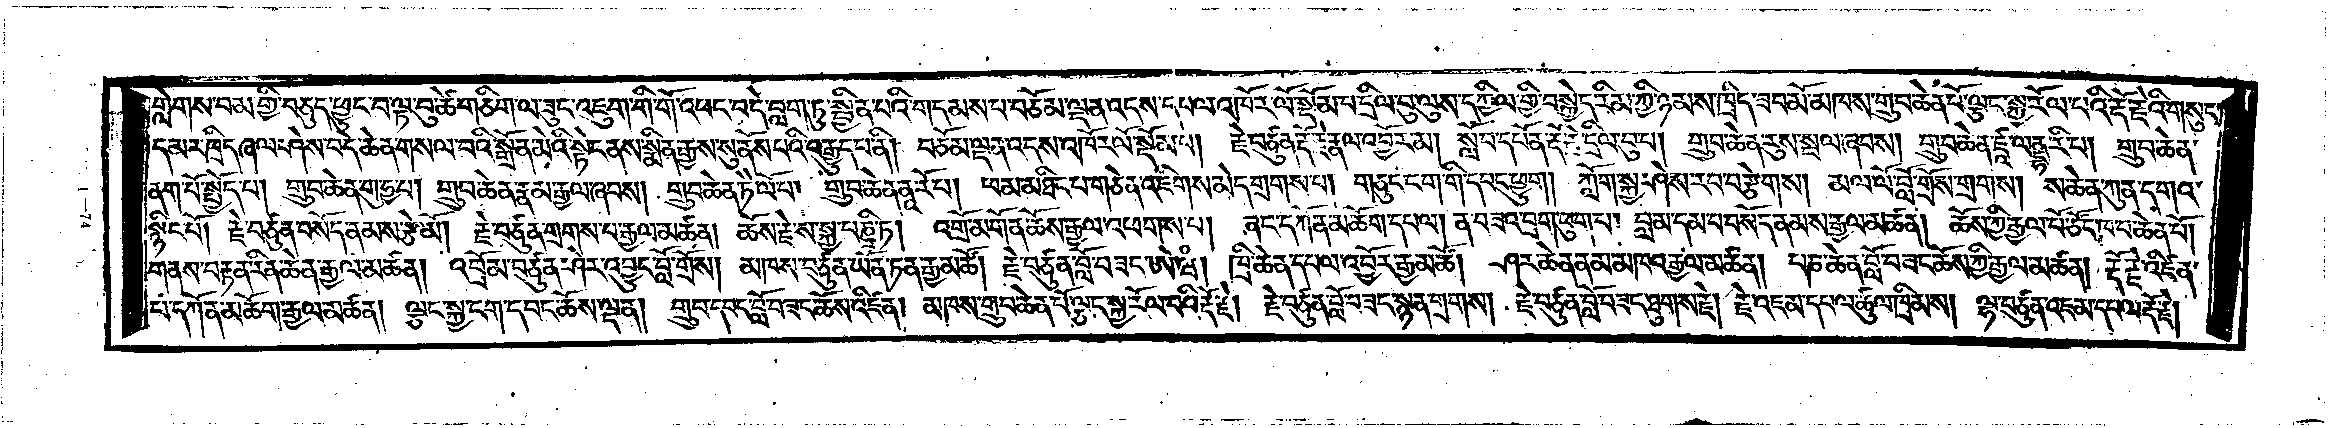གླེགས་བམ་གྱི་བཅུད་ཕྱུང་བ་ལྟ་བུ་ཚེ་གཅིག་ལ་ཟུང་འཇུག་གི་གོ་འཕང་བདེ་བླག་ཏུ་སྦྱིན་པའི་གདམས་པ་བཅོམ་ལྡན་འདས་དཔལ་འཁོར་ལོ་སྡོམ་པ་དྲིལ་བུ་ལུས་དཀྱིལ་གྱི་བསྐྱེད་རིམ་གྱི་ཉམས་ཁྲིད་ཟབ་མོ་མཁས་གྲུབ་ཆེན་པོ་ལྕང་སྐྱ་རོལ་པའི་རྡོ་རྗེའི་གསུང་
དམར་ཁྲིད་ཞལ་ཤེས་བདེ་ཆེན་གསལ་བའི་སྒྲོན་མེའི་སྟེང་ནས་སྨིན་རྒྱས་སུ་ནོས་པའི་བརྒྱུད་པ་ནི། བཅོམ་ལྡན་འདས་འཁོར་ལོ་སྡོམ་པ། རྗེ་བཙུན་རྡོ་རྗེ་རྣལ་འབྱོར་མ། སློབ་དཔོན་རྡོ་རྗེ་དྲིལ་བུ་པ། གྲུབ་ཆེན་རུས་སྦལ་ཞབས། གྲུབ་ཆེན་ཛཱ་ལནྡྷ་རི་པ། གྲུབ་ཆེན་
ནག་པོ་སྤྱོད་པ། གྲུབ་ཆེན་གུ་ཧྱ་པ། གྲུབ་ཆེན་རྣམ་རྒྱལ་ཞབས། གྲུབ་ཆེན་ཏཻ་ལོ་པ། གྲུབ་ཆེན་ནཱ་རོ་པ། ཕམ་མཐིང་པ་གཅེན་འཇིགས་མེད་གྲགས་པ། གཅིང་ངག་གི་དབང་ཕྱུག། ཀློག་སྐྱ་ཤེས་རབ་བརྩེགས། མལ་ལོ་བློ་གྲོས་གྲགས། ས་ཆེན་ཀུན་དགའ་
སྙིང་པོ། རྗེ་བཙུན་བསོད་ནམས་རྩེ་མོ། རྗེ་བཙུན་གྲགས་པ་རྒྱལ་མཚན། ཆོས་རྗེ་ས་སྐྱ་པཎྜི་ཏ། འགྲོ་མགོན་ཆོས་རྒྱལ་འཕགས་པ། ཞང་དཀོན་མཆོག་དཔལ། ན་བཟའ་བྲག་ཕུག་པ། བླ་མ་དམ་པ་བསོད་ནམས་རྒྱལ་མཚན། ཆོས་ཀྱི་རྒྱལ་པོ་ཙོང་ཁ་པ་ཆེན་པོ།
གནས་བརྟན་རིན་ཆེན་རྒྱལ་མཚན། འབྲོམ་བཙུན་ཤེར་འབྱུང་བློ་གྲོས། མཁས་བཙུན་ཡོན་ཏན་རྒྱ་མཚོ། རྗེ་བཙུན་བློ་བཟང་ཨེཝཾ། ཁྲི་ཆེན་དཔལ་འབྱོར་རྒྱ་མཚོ། ཤར་ཆེན་ནམ་མཁའ་རྒྱལ་མཚན། པཎ་ཆེན་བློ་བཟང་ཆོས་ཀྱི་རྒྱལ་མཚན། རྡོ་རྗེ་འཛིན་
པ་དཀོན་མཆོག་རྒྱལ་མཚན། ལྕང་སྐྱ་ངག་དབང་ཆོས་ལྡན། གྲུབ་དབང་བློ་བཟང་ཆོས་འཛིན། མཁས་གྲུབ་ཆེན་པོ་ལྕང་སྐྱ་རོལ་བའི་རྡོ་རྗེ། རྗེ་བཙུན་བློ་བཟང་སྙན་གྲགས། རྗེ་བཙུན་བློ་བཟང་ཐུགས་རྗེ། རྗེ་འཇམ་དཔལ་ཚུལ་ཁྲིམས། ལྷ་བཙུན་འཇམ་དཔལ་རྡོ་རྗེ།